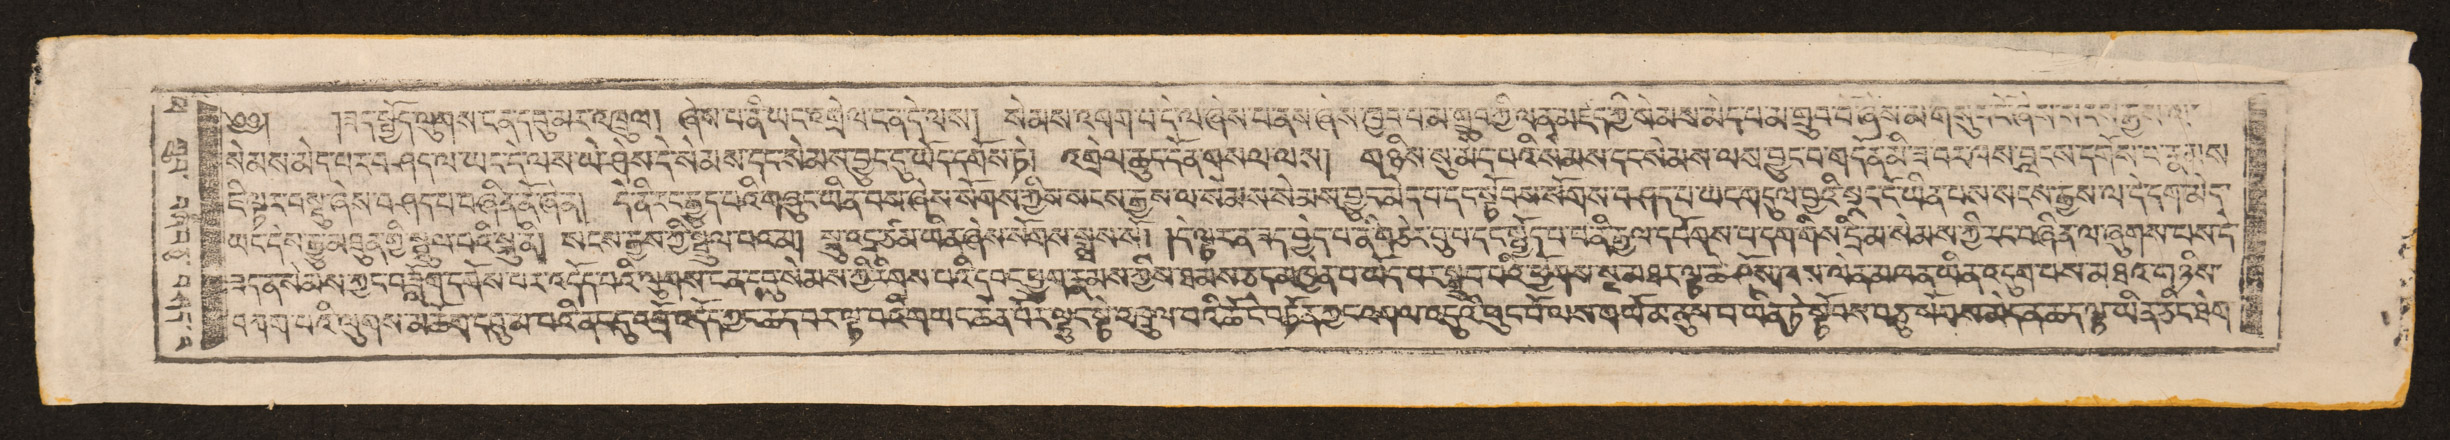༄༅། །ཟད་སྤྱོད་ལུགས་ངན་དབུ་མར་འཁྲུལ། ཞེས་པ་ནི་ཡང་འགྲེལ་ངན་དེ་ལས། སེམས་འགག་བ་དེ་ལ་ཞེས་པ་ནས་ཞེས་ཁྱབ་པ་མ་གྲུབ་ཀྱི་ལན་མཛད་ཀྱི་སེམས་མེད་པ་མ་གྲུབ་བོ་ཞེས་མ་གསུང་ངོ་ཞེས་སངས་རྒྱས་ལ་
སེམས་མེད་པར་བཤད་ལ་ཡང་དེ་ལས་ཡེ་ཤེས་དེ་སེམས་དང་སེམས་བྱུང་དུ་ཡོད་དགོས་ཏེ། འགྲེལ་ཆུང་དོན་གསལ་ལས། གཉིས་སུ་མེད་པའི་སེམས་དང་སེམས་ལས་བྱུང་བ་གདོན་མི་ཟ་བར་ཁས་བླངས་དགོས་པ་རྣམས་
ཇི་ལྟར་བསྡུ་ཞེས་བཤད་པ་བཞིན་ནོ་ཞེ་ན། དེ་ནི་རང་རྒྱུད་པའི་གཞུང་ཡིན་པས་ཞེས་སོགས་ཀྱིས་སངས་རྒྱས་ལ་སེམས་སེམས་བྱུང་མེད་པ་དང་སྟོབས་སོགས་བཤད་པ་ཡང་གདུལ་བྱའི་སྣང་ངོ་ཡིན་པས་སངས་རྒྱས་ལ་དེ་དག་མེད་
ཡང་དེས་རྒྱུ་མཐུན་གྱི་སྦྲུལ་པའི་སྐུ་ནི། སངས་རྒྱས་ཀྱི་སྦྲུལ་པའམ། སྐུ་འདྲ་ཙམ་ཡིན་ཞེས་སོགས་སྨྲས་སོ། །དེ་ལྟར་ན་ཟད་བྱེད་པ་ནི་གཅེར་བུ་བ་དང་སྤྱོད་བ་པ་ནི་རྒྱལ་དཔོགས་པ་དག་གིས་དྲི་མ་སེམས་ཀྱི་རང་བཞིན་ལ་ཞུགས་པས་དེ་
ཟད་ན་སེམས་ཀྱང་བཟློག་དགོས་པར་འདོད་པའི་ལུགས་ངན་དབུ་སེམས་ཀྱི་རིགས་པའི་དབང་ཕྱུག་རྣམས་ཀྱིས་ཐམས་ཅད་མཁྱེན་པ་ཡོད་པར་སྒྲུབ་པའི་ཕྱོགས་སྔ་མཐར་ལྟ་ཆེ་ཤོས་ཁས་ལེན་མཁན་ཡིན་འདུག་བས་མཐའ་གཉིས་
བཀག་པའི་ལུགས་མཆོག་དབུ་མ་པའི་ནང་དུ་འགྲོ་འདོད་ཀྱང་ཆད་པར་ལྟ་བའི་གཡང་ཆེན་བོར་ལྷུང་སྟེ་འཁྲུལ་བའི་ཆོ་དེ་བཏོན་ཀྱང་འགལ་འདུའི་ཕུང་བོ་ལས་གཡོ་མ་ནུས་བ་ཡིན་ཏེ་སྟོབས་བཅུ་སོགས་མེད་ན་ཆད་ལྟ་ཡིན་ཅིང་ཐེག་